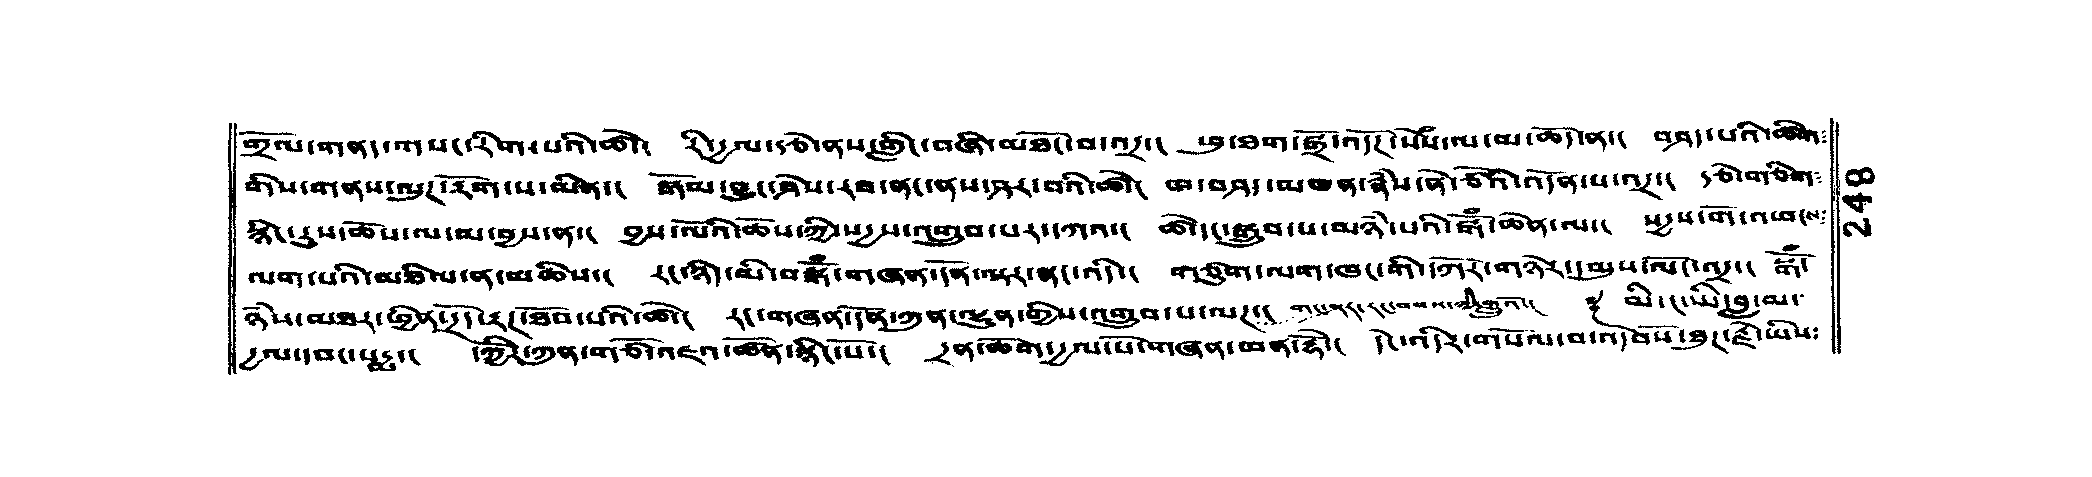གྲོལ་གནད་གསང་རིག་པའི་ཚེ། །རི་རྒྱལ་རྩེ་ནས་གླིང་བཞི་མཐོང་བ་འདྲ། །ཕུ་ཐག་སྒྲོ་འདོགས་སེམས་ལ་མ་ཆོད་ན། །བཤད་པའི་ཚིག་
གིས་གནས་ལུགས་རྟོགས་པ་མིན། །སྒོམ་བྱུང་ཤེས་རབ་ནང་ནས་ཤར་བའི་ཚེ། །ཁ་བཤད་མཁན་རྣམས་ནེ་ཙོའི་འདོན་པ་འདྲ། །རྩེ་གཅིག་
སྙིང་རུས་ཆོས་ལ་མ་བྱས་ན། །བྱས་ལོའི་ཆོས་ཀྱི་སངས་རྒྱས་འགྲུབ་པར་དཀའ། །ཚེ་དང་སྒྲུབ་པ་མཉམ་པའི་སྒོམ་ཆེན་ལ། །སངས་རྒྱས་གོ་འཕང་
ལག་པའི་མཐིལ་ན་མཆིས། །རང་ཉིད་མི་བསྒོམ་གཞན་དོན་ལྟར་སྣང་འདི། །གཙུག་ལག་ཁང་གི་དཀོར་གཉེར་དམུས་ལོང་འདྲ། །སྒོམ་
ཉམས་མཐར་ཕྱིན་དྲོད་རྟགས་ཐོབ་པའི་ཚེ། །རང་གཞན་དོན་ཀུན་ལྷུན་གྱིས་འགྲུབ་པ་ལགས།གང་ཤར་རང་བབས་ཀྱི་གླུའོ།། ༈ མི་ང་ཡི་བླ་མ་
རྒྱལ་དབང་པདྨ། །དཀྱིལ་འཁོར་ཀུན་གཙོ་འཇའ་ཚོན་སྙིང་པོ། །དྲན་ཆོག་རྒྱལ་པོ་གཞན་ཕན་རྡོ་རྗེ། །དེང་འདིར་གསོལ་བ་འདེབས་སོ་ཐུགས་རྗེ་ཡིས་